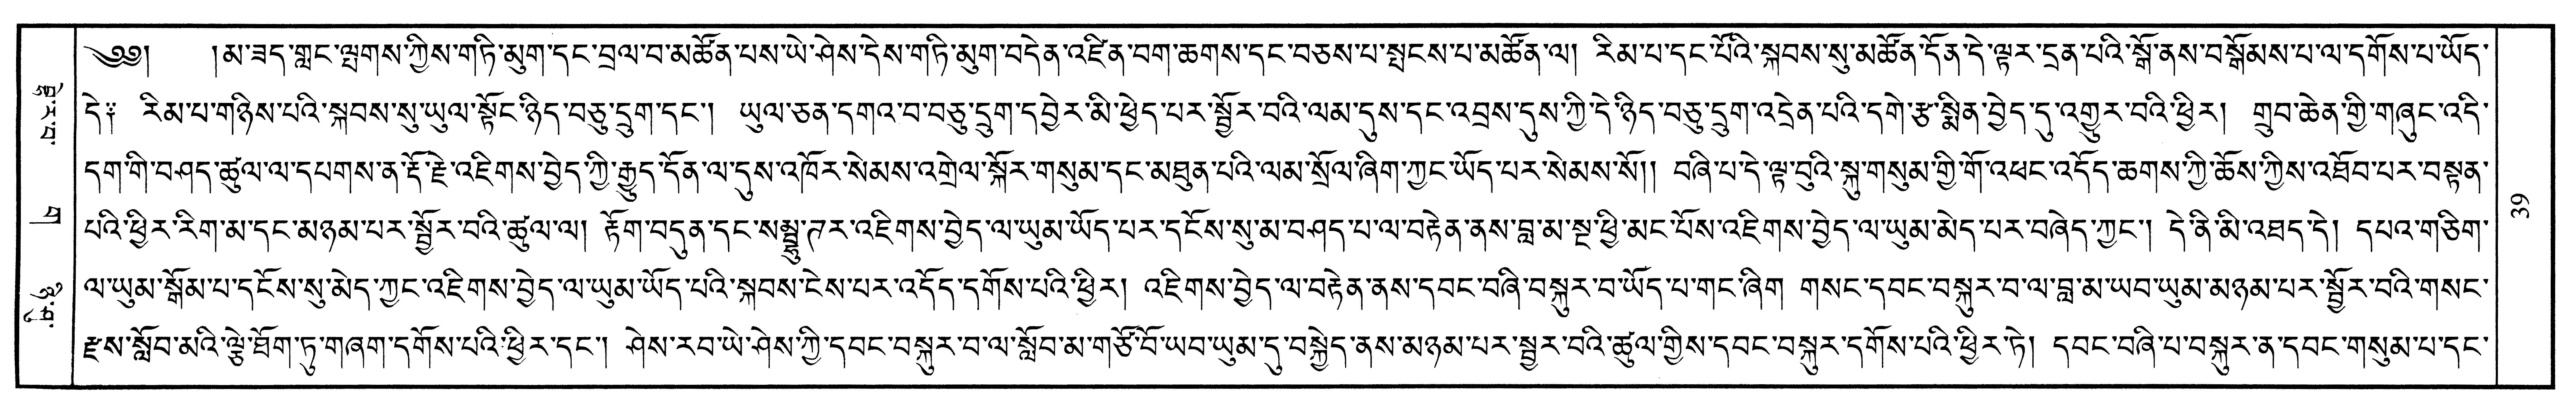༄༅། །མ་ཟད་གླང་ལྤགས་ཀྱིས་གཏི་མུག་དང་བྲལ་བ་མཚོན་པས་ཡེ་ཤེས་དེས་གཏི་མུག་བདེན་འཛིན་བག་ཆགས་དང་བཅས་པ་སྤངས་པ་མཚོན་ལ། རིམ་པ་དང་པོའི་སྐབས་སུ་མཚོན་དོན་དེ་ལྟ་དྲན་པའི་སྒོ་ནས་བསྒོམས་པ་ལ་དགོས་པ་ཡོད་
དེ༑ རིམ་པ་གཉིས་པའི་སྐབས་སུ་ཡུལ་སྟོང་ཉིད་བཅུ་དྲུག་དང་། ཡུལ་ཅན་དགའ་བ་བཅུ་དྲུག་དབྱེར་མི་ཕྱེད་པར་སྦྱོར་བའི་ལམ་དུས་དང་འབྲས་དུས་ཀྱི་དེ་ཉིད་བཅུ་དྲུག་འདྲེན་པའི་དགེ་རྩ་སྨིན་བྱེད་དུ་འགྱུར་བའི་ཕྱིར། གྲུབ་ཆེན་གྱི་གཞུང་འདི་
དག་གི་བཤད་ཚུལ་ལ་དཔགས་ན་རྡོ་རྗེ་འཇིགས་བྱེད་ཀྱི་རྒྱུད་དོན་ལ་དུས་འཁོར་སེམས་འགྲེལ་སྐོར་གསུམ་དང་མཐུན་པའི་ལམ་སྲོལ་ཞིག་ཀྱང་ཡོད་པར་སེམས་སོ།། བཞི་པ་དེ་ལྟ་བུའི་སྐུ་གསུམ་གྱི་གོ་འཕང་འདོད་ཆགས་ཀྱི་ཆོས་ཀྱིས་འཐོབ་པར་བསྟན་
པའི་ཕྱིར་རིག་མ་དང་མཉམ་པར་སྦྱོར་བའི་ཚུལ་ལ། རྟོག་བདུན་དང་སམྦྷུ་ཊར་འཇིགས་བྱེད་ལ་ཡུམ་ཡོད་པར་དངོས་སུ་མ་བཤད་པ་ལ་བརྟེན་ནས་བླ་མ་སྔ་ཕྱི་མང་པོས་འཇིགས་བྱེད་ལ་ཡུམ་མེད་པར་བཞེད་ཀྱང་། དེ་ནི་མི་འཐད་དེ། དཔའ་གཅིག་
ལ་ཡུམ་སྒོམ་པ་དངོས་སུ་མེད་ཀྱང་འཇིགས་བྱེད་ལ་ཡུམ་ཡོད་པའི་སྐབས་ངེས་པར་འདོད་དགོས་པའི་ཕྱིར། འཇིགས་བྱེད་ལ་བརྟེན་ནས་དབང་བཞི་བསྐུར་བ་ཡོད་པ་གང་ཞིག། གསང་དབང་བསྐུར་བ་ལ་བླ་མ་ཡབ་ཡུམ་མཉམ་པར་སྦྱོར་བའི་གསང་
རྫས་སློབ་མའི་ལྕེ་ཐོག་ཏུ་གཞག་དགོས་པའི་ཕྱིར་དང་། ཤེས་རབ་ཡེ་ཤེས་ཀྱི་དབང་བསྐུར་བ་ལ་སློབ་མ་གཙོ་བོ་ཡབ་ཡུམ་དུ་བསྐྱེད་ནས་མཉམ་པར་སྦྱར་བའི་ཚུལ་གྱིས་དབང་བསྐུར་དགོས་པའི་ཕྱིར་ཏེ། དབང་བཞི་པ་བསྐུར་དབང་གསུམ་པ་དང་།